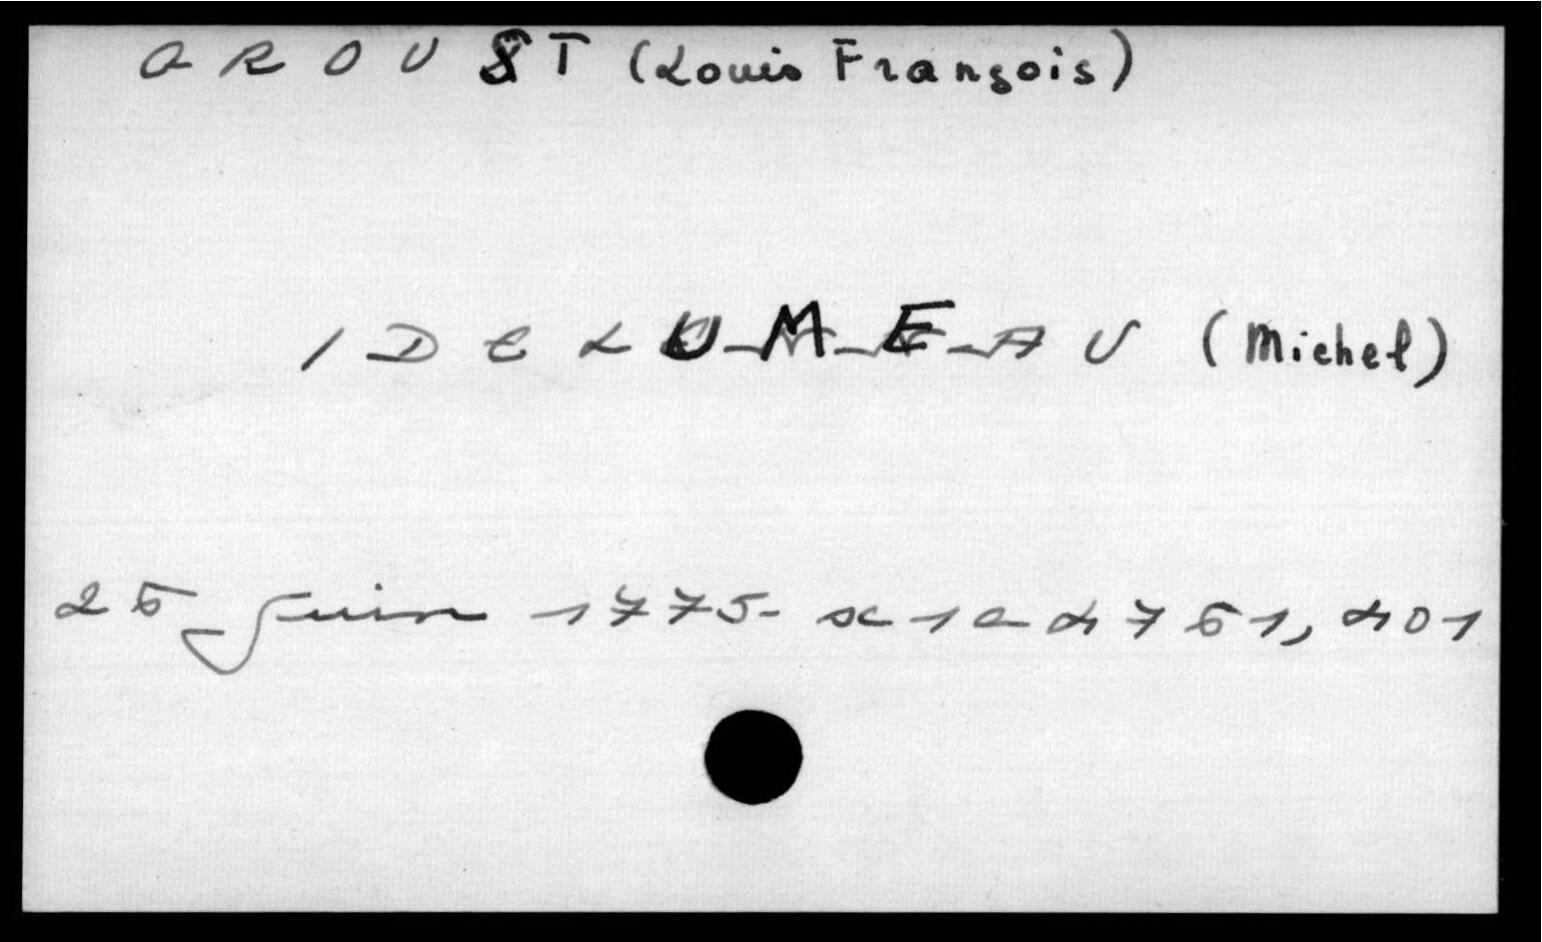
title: GROUST (Louis François)
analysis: Contre DELUMEAU (Michel)
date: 25 juin 1775
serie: X1a
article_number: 4761
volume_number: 401
